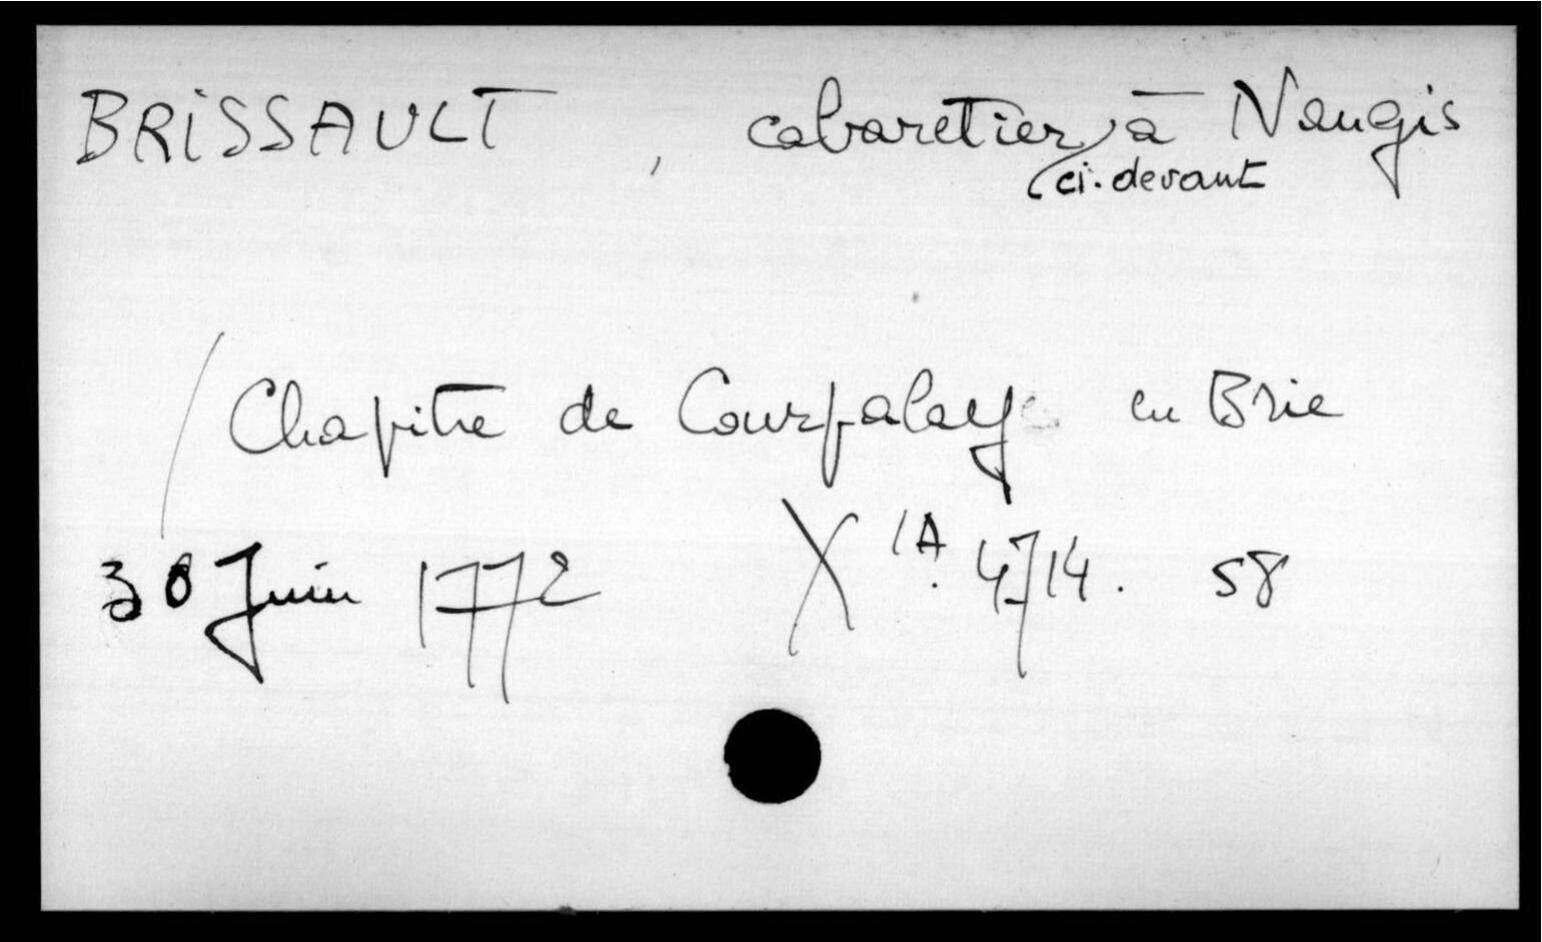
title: BRISSAULT Cabaretier Ci-devant à Nangis
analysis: Contre Chapitre de Courpalaye en Brie
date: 30 juin 1772
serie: X1A
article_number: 4714
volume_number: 58
